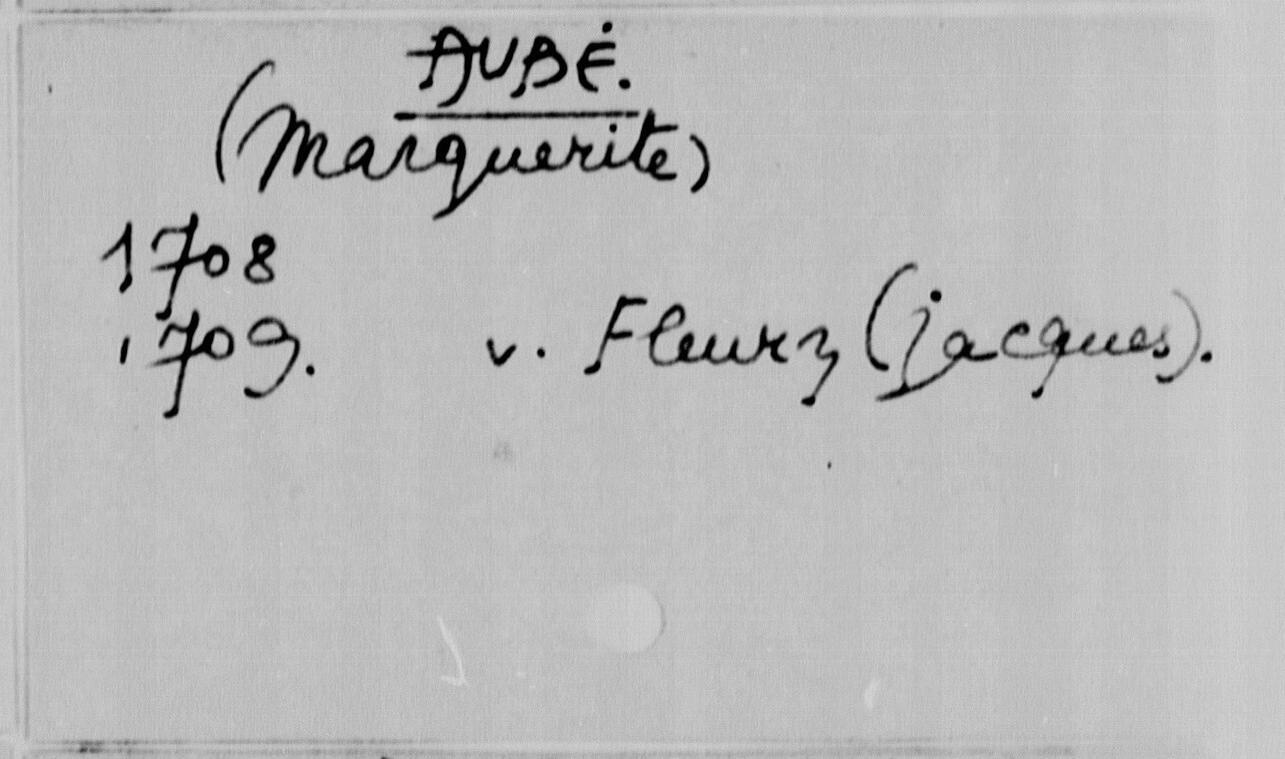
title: AUBE (Marguerite)
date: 1708-1709
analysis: Voir FLEURY (Jacques)
